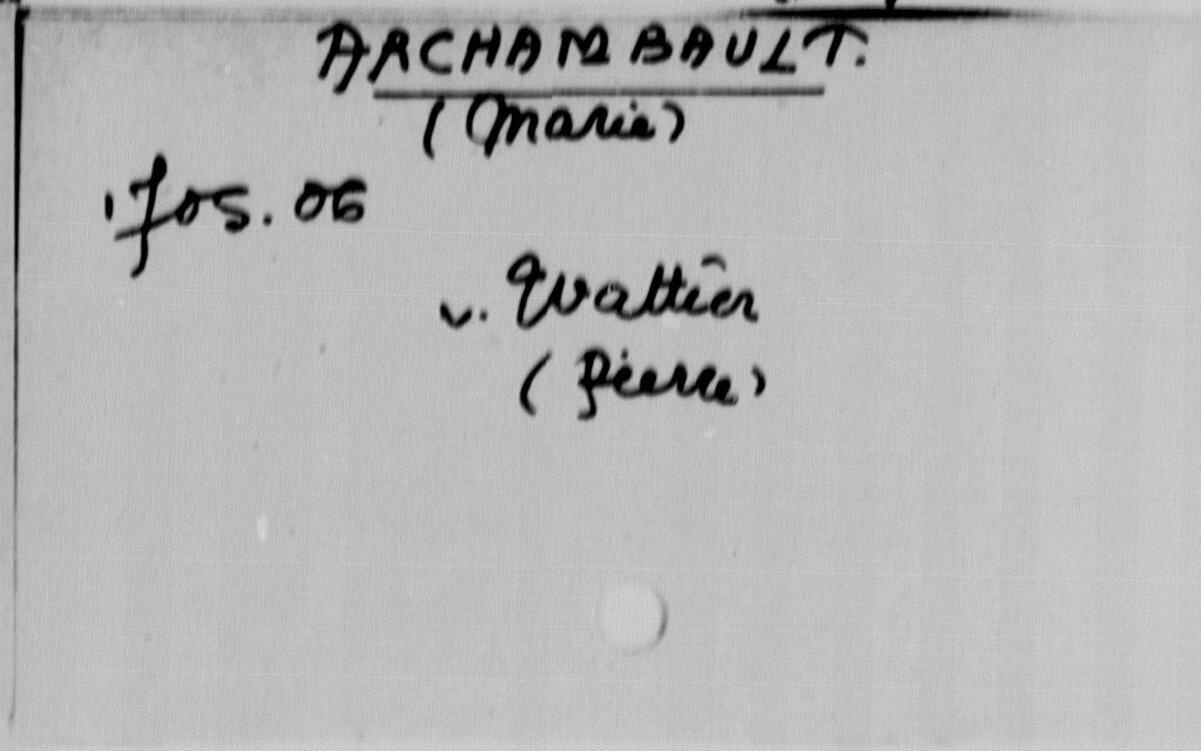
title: ARCHAMBAULT (Marie)
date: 1705-1706
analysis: Voir Wattier (Pierre)
